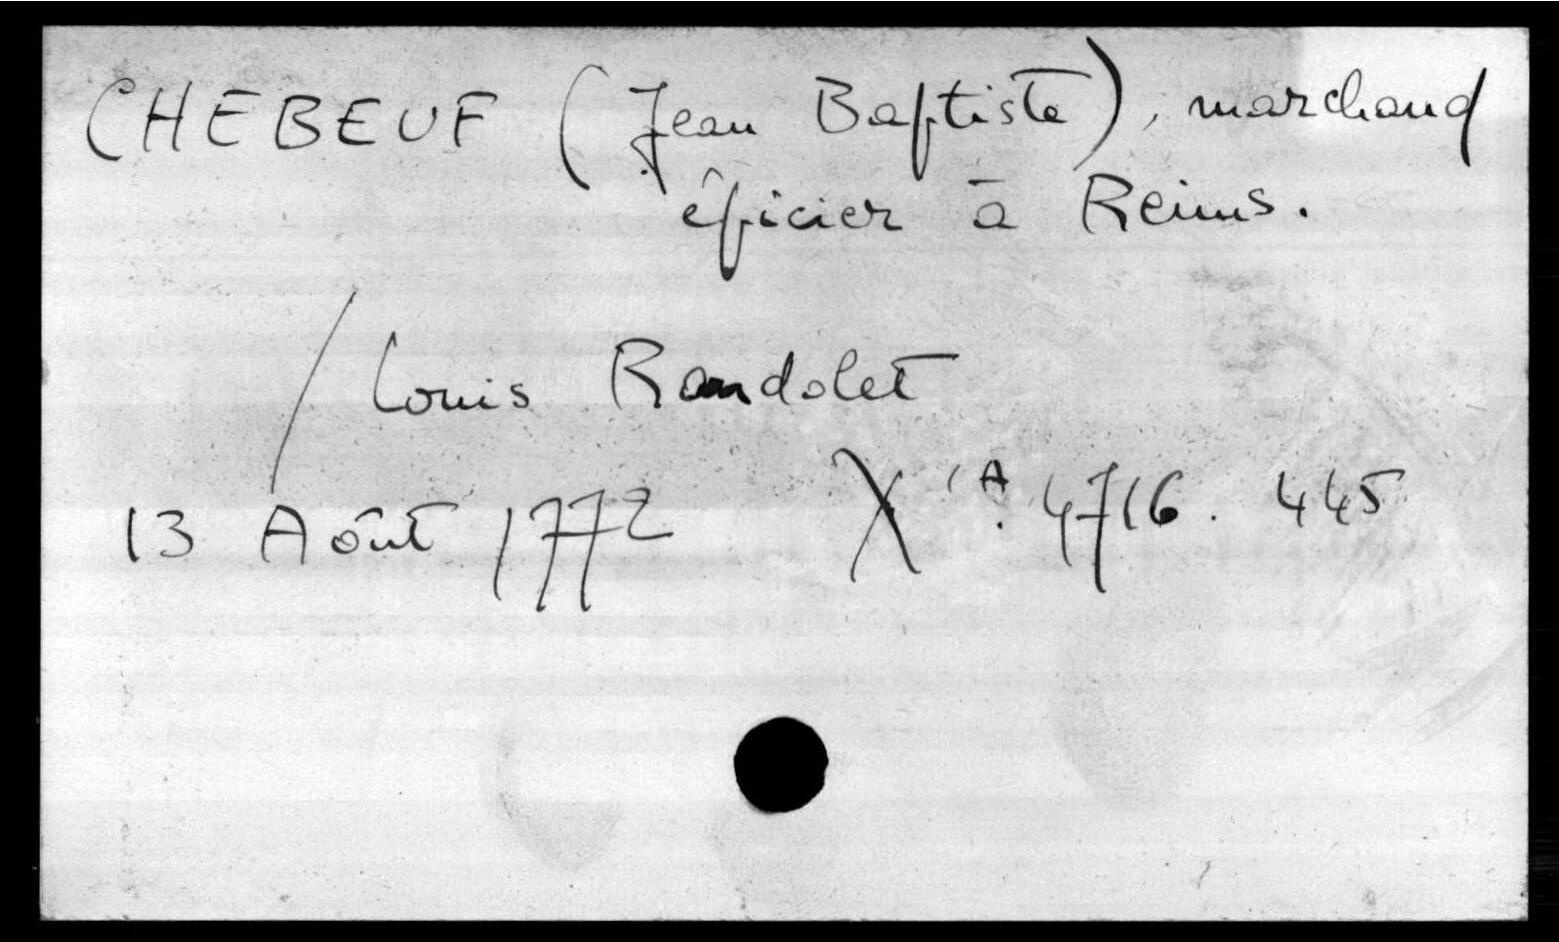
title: CHEBEUF (Jean Baptiste), marchand épicier à Reims.
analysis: Contre Louis Randolet
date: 13 août 1772
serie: X1A
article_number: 4716
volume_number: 445
